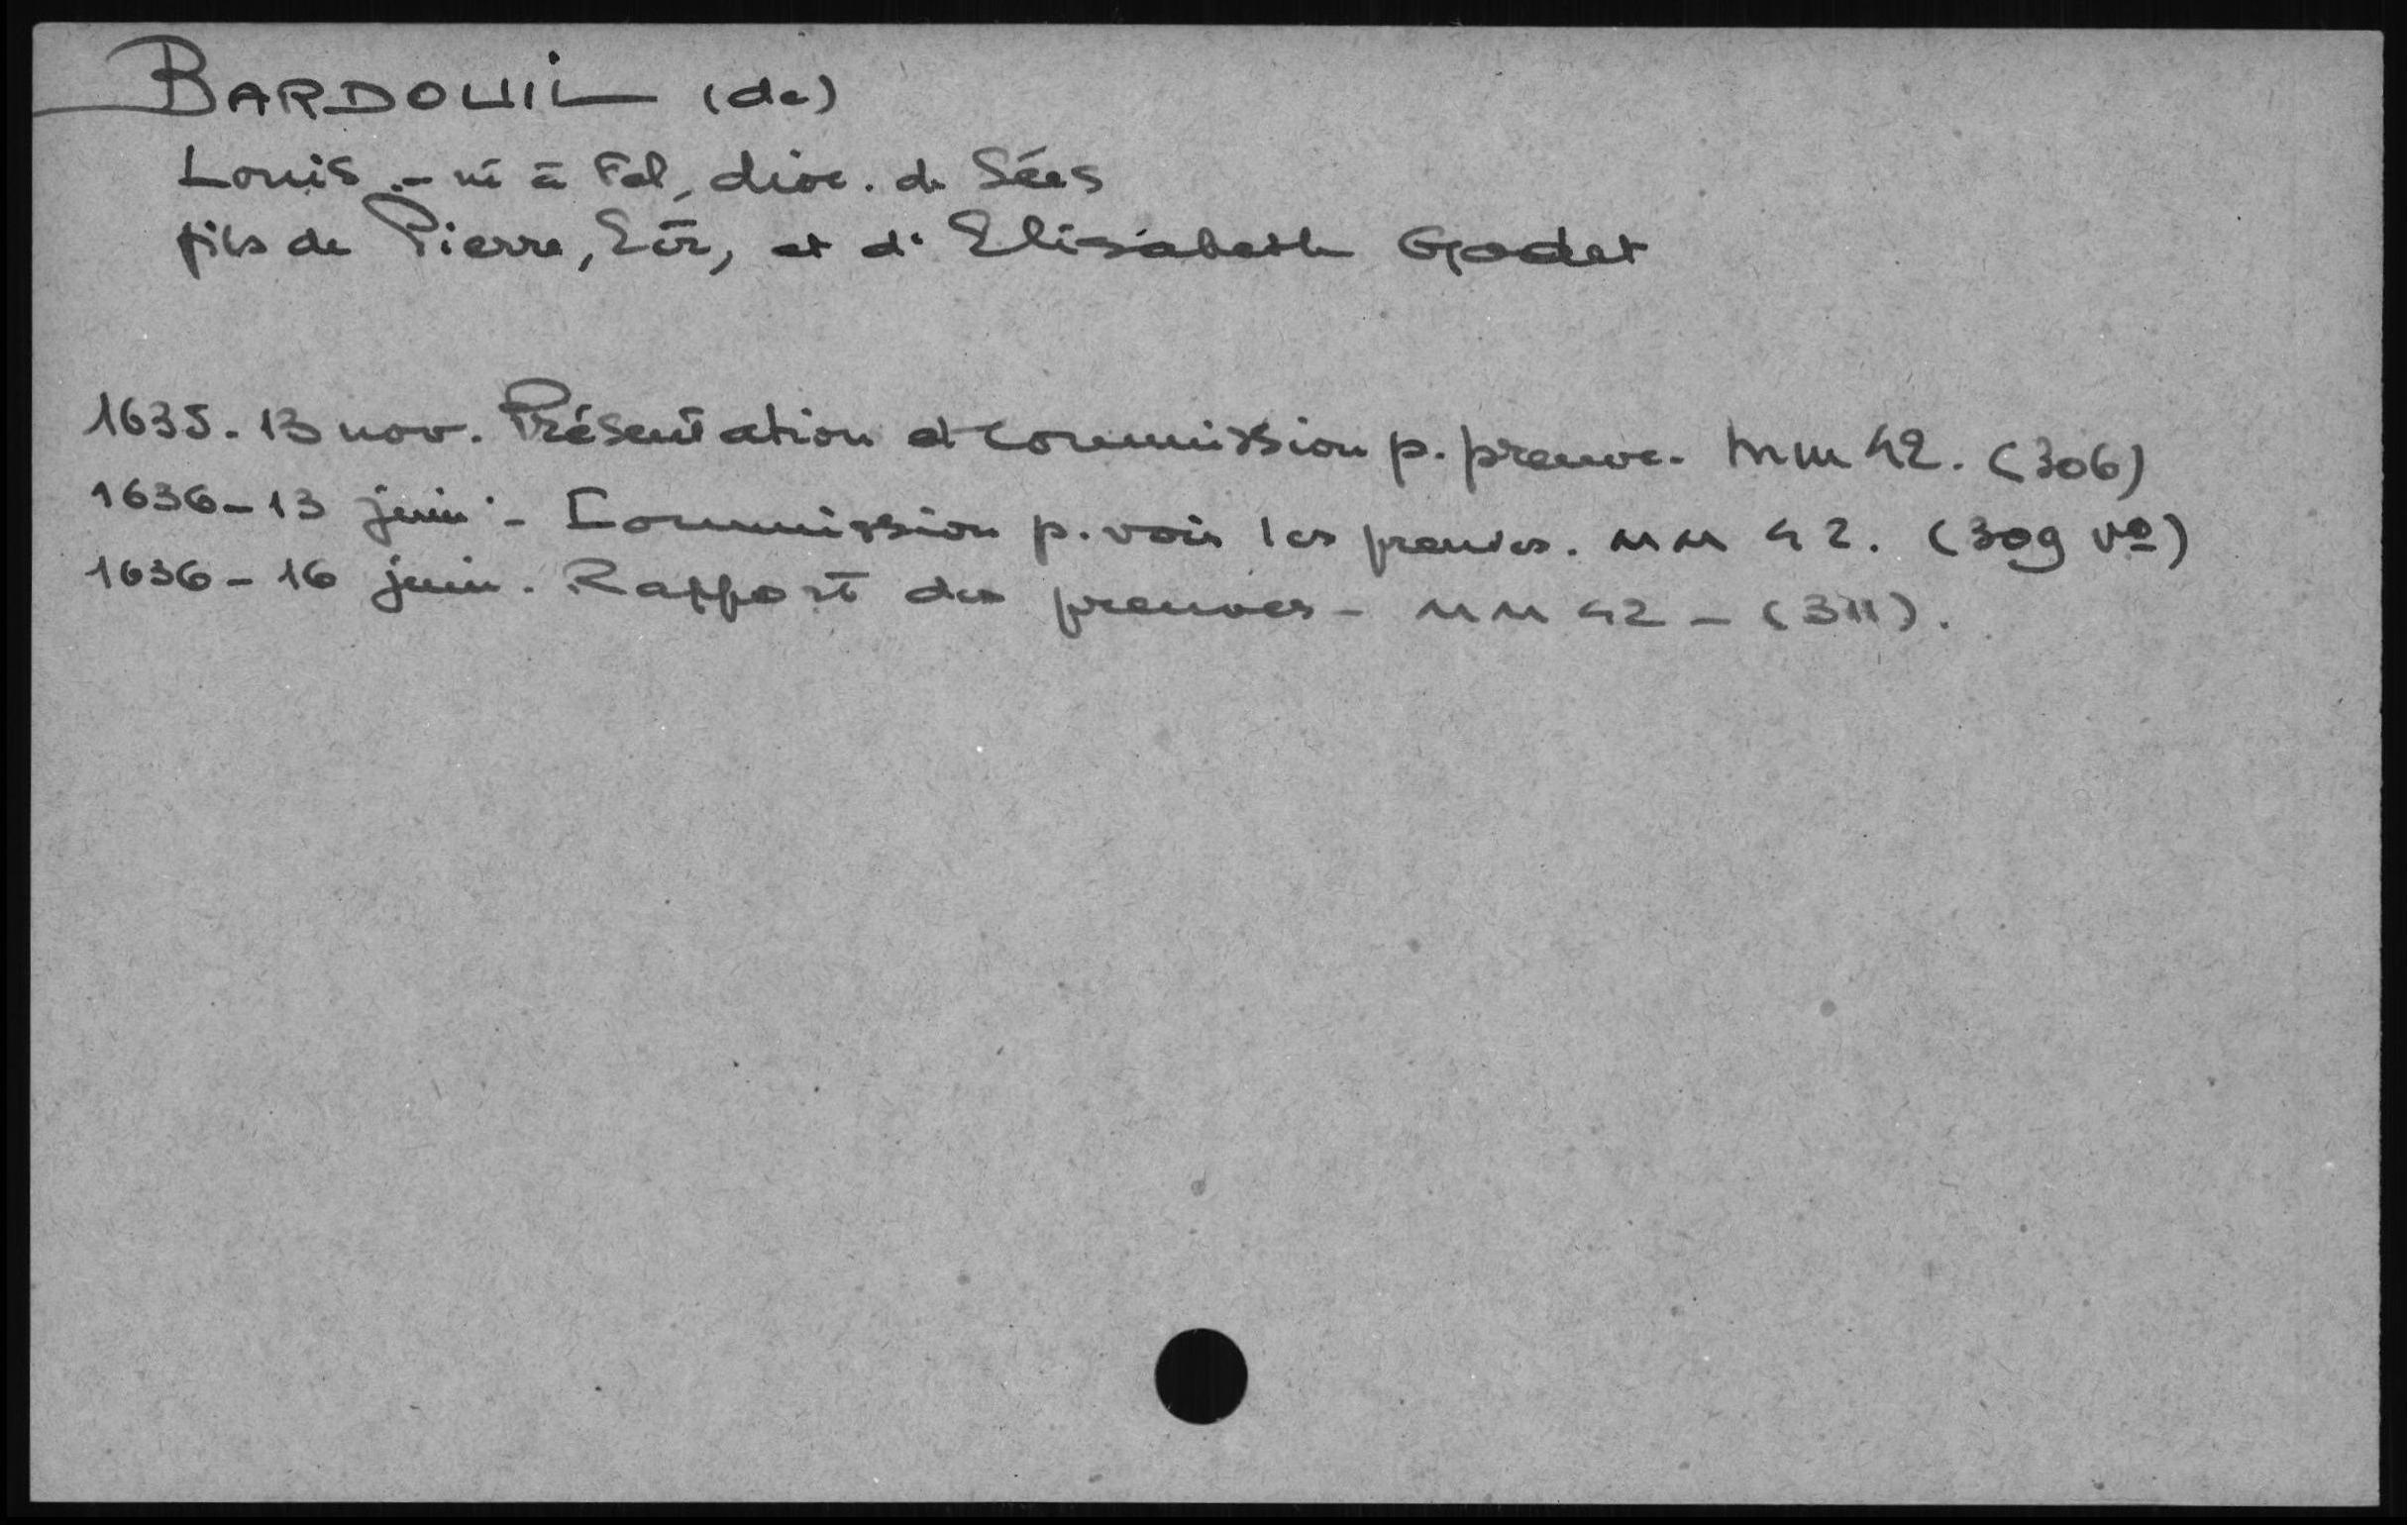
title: BARDOUIL (de) Louis, né à Fol, diocèse de Sées fils de Pierre, écuyer, et d'Elisabeth Godet
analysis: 1635, 13 novembre. Présentation et commission pour preuves. MM 42 (306) 1636, 13 juin. Commission pour voir les preuves. MM 42 (309v) 1636, 16 juin. Rapport des preuves. MM 42 (311)
